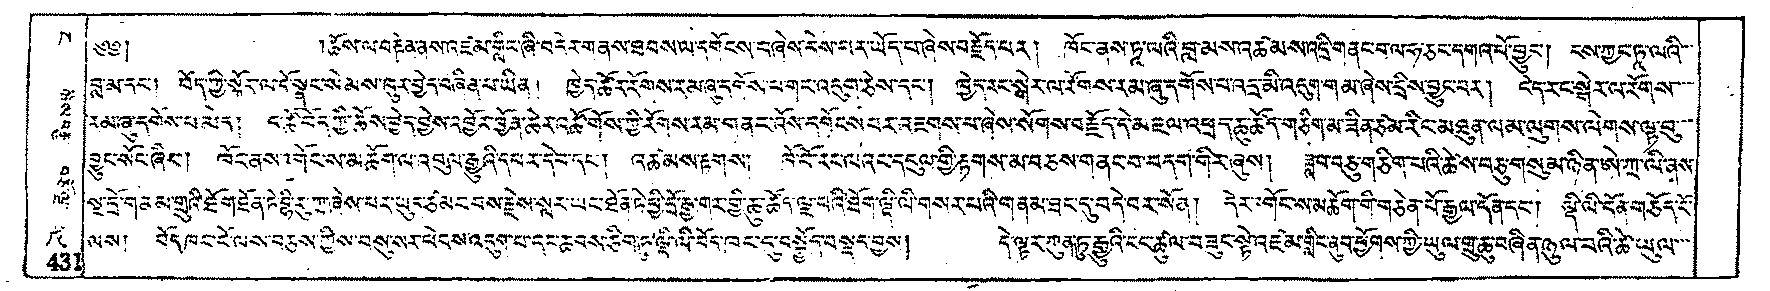༄༅། །ཆོས་ལ་བརྟེན་ནས་འཛམ་གླིང་ཞི་བདེར་གནས་ཐབས་ལ་དགོངས་བཞེས་ངེས་པ་ཡོད་པ་ཞེས་བརྗོད་པར། ཁོང་ནས་ཏཱ་ལའི་བླ་མས་འཚམས་འདྲི་གནང་བ་ལ་ཧ་ཅང་དགའ་པོ་བྱུང་། ངས་ཀྱང་ཏཱ་ལའི་
བླ་མ་དང་། བོད་ཀྱི་སྐོར་ལ་དོ་སྣང་སེམས་ཁུར་བྱེད་བཞིན་པ་ཡིན། ཁྱེད་ཚོར་རོགས་རམ་ཞུ་དགོས་པ་གང་འདུག་ཅེས་དང་། ཁྱེད་རང་སྒེར་ལ་རོགས་རམ་ཞུ་དགོས་པ་འདྲ་མི་འདུག་གམ་ཞེས་དྲིས་བྱུང་བར། ངེད་རང་སྒེར་ལ་རོགས་
རམ་ཞུ་དགོས་པ་མེད། ང་ཚོ་བོད་ཀྱི་ཆོས་བྱེད་བྱེས་འབྱོར་ཁྱོན་ཆེར་འཚོ་གོས་ཀྱི་རོགས་རམ་གནང་འོས་དགོངས་པར་འཇགས་པ་ཞེས་སོགས་བརྗོད་དེ་མཇལ་འཕྲད་ཆུ་ཚོད་གཅིག་མ་ཟིན་ཙམ་རིང་མཐུན་ལམ་ལུགས་ལེགས་ལྟ་བུ་
བྱུང་སོང་ཞིང་། ཁོང་ནས་༧གོང་ས་མཆོག་ལ་འབུལ་རྒྱུའི་དཔར་དེབ་དང་། འཚམས་རྟགས། ཁོ་བོ་རང་ལའང་དངུལ་གྱི་རྟགས་མ་བཅས་གནང་བ་བདག་གིར་ཞུས། ཟླ་བ་བཅུ་གཅིག་པའི་ཚེས་བཅུ་གསུམ་ཉིན་ཨེ་ཀྲ་ལི་ནས་
སྔ་དྲོ་གནམ་གྲུའི་ཐོག་ཐོན་ཏེ་བྷི་རུ་ཀྲ་ཞེས་པར་ཡུད་ཙམ་བབས་རྗེས་སླར་ཡང་ཐོན་ཏེ་ཕྱི་དྲོ་རྒྱ་གར་གྱི་ཆུ་ཚོད་ལྔ་པའི་ཐོག་ལྡི་ལི་གསར་པའི་གནམ་ཐང་དུ་བདེ་བར་སོན། དེར་༧གོང་ས་མཆོག་གི་གཅེན་པོ་རྒྱལ་དོན་དང་། ལྡི་ལོ་དོན་གཅོག་ངོ་
ལས། བོད་ཁང་ངོ་ལས་བཅས་ཀྱིས་བསུ་སར་ཕེབས་འདུག་པ་དང་ཆབ་ཅིག་ཏུ་ལྡི་ལི་བོད་ཁང་དུ་བསྐྱོད་བསྡད་བྱས། དེ་ལྟར་ཀུན་ཏུ་རྒྱུའི་ངང་ཚུལ་བཟུང་སྟེ་འཛམ་གླིང་ནུབ་ཕྱོགས་ཀྱི་ཡུལ་གྲུ་ཆུ་བཞིན་ཉུལ་བའི་ཚེ་ཡུལ་